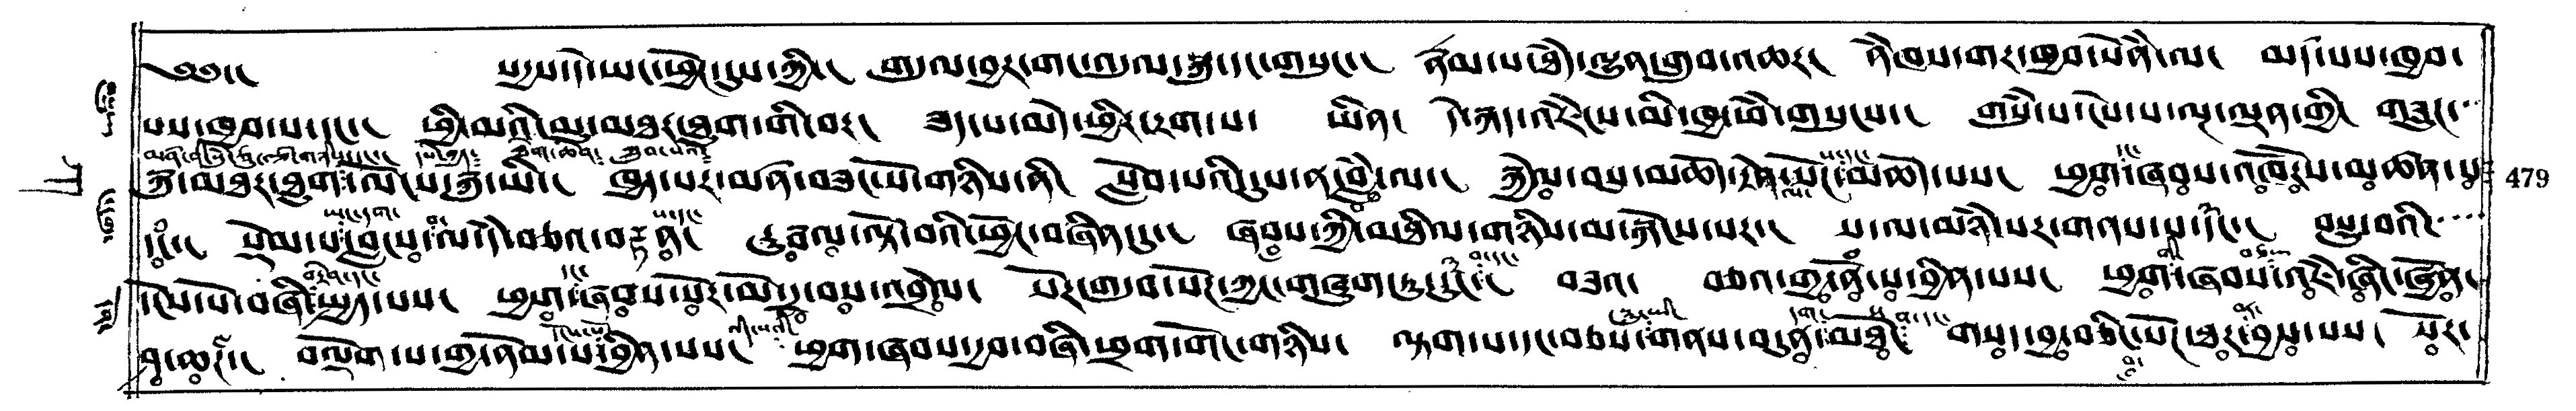སངས་རྒྱས་དེ་ཡང་ཕྱོགས་དུས་ཀྱི། །གདུལ་བྱར་གང་འདུལ་སྐུ་དང་གསུང་། །རྣམ་པ་ཐམས་ཅད་ལྷུན་གྲུབ་འཆར། །ནམ་མཁས་གར་ཁྱབ་སེམས་ཅན་ལ། །མཛད་པས་ཁྱབ་
པས་ཁྱབ་པ་དང་། །ཕྱི་མའི་མུ་མཐར་ཐུག་གི་བར། །ཟད་པ་མེད་ཕྱིར་རྟག་པ་ཡིན། །དེ་སྐད་འཇམ་དབྱངས་མི་ཕམ་གསུངས། །གསུམ་པ་ངེས་པ་ལྔ་ལྡན་གྱི། །གཟུགས་
སྐུ་མཐར་ཐུག་མཚན་ནི་སུམ་ཅུ་རྩ་གཉིས་དང་། ། ལོངས་དཔེ་བྱད་སྐུ་ཡི།། ཐེག་ཆེན༴ ཁྱད་པར་ཐུབ་པའི༴ མཚན་བཟང་སོ་གཉིས་ནི། །སློབ་པའི་དུས་ན་བླ་མ་ལ། །སྐྱེལ་བསུ་མཆོད་རྟེན་ལ་སོགས་པ་དང་མཆོད་པས། །ཕྱག་དང་ཞབས་འཁོར་ལོས་མཚན་པ་
དང་། །སྡོམ་པ་ཡང་དག་བླངས་བ་ལ་དམ་བཅའ་བརྟན།། པ་དང་། རུས་སྦལ་ལྟོ་བའི་ཕྱོགས་བཞིན་དུ། །ཞབས་ཀྱི་མཐིལ་གཉིས་མ་སྐོངས་པར། །ས་ལ་མཉམ་པར་གནས་པ་དང་། །བསྡུ་བའི་
དངོས་པོ་བཞི་བརྟེན་དང་སྤྱད་པས། །ཕྱག་དང་ཞབས་སོར་མོ་དྲ་བས་འབྲེལ། །སོར་གདུབ་སོགས་ཀྱང་གཞུག་ཏུ་རུང་།།བ་དང་། བཟའ་བཅའ་གྱ་ནོམ་པ་བྱིན་པས། །ཕྱག་གི་ཞབས་བ་ཅས་འཇམ་ཞིང་གཞོན་
ཤ་ཆགས། །ལྡོག་པ་གྱ་ནོམ་པ་དངོས་པོ་བྱིན་པས།། འདི་པའི་ཕྱག་ཞབས་རྒྱབ་བཞི་ཕྲག་གོང་གཉིས། །ལྟག་པ་དང་བཅས་སྐུ་ཡི་གནས་བདུན་དག་མཐོ།། བ་དང་། །གསད་བྱ་བཅིངས་སོགས་ཐར་བར་བྱས་པས། །སོར་